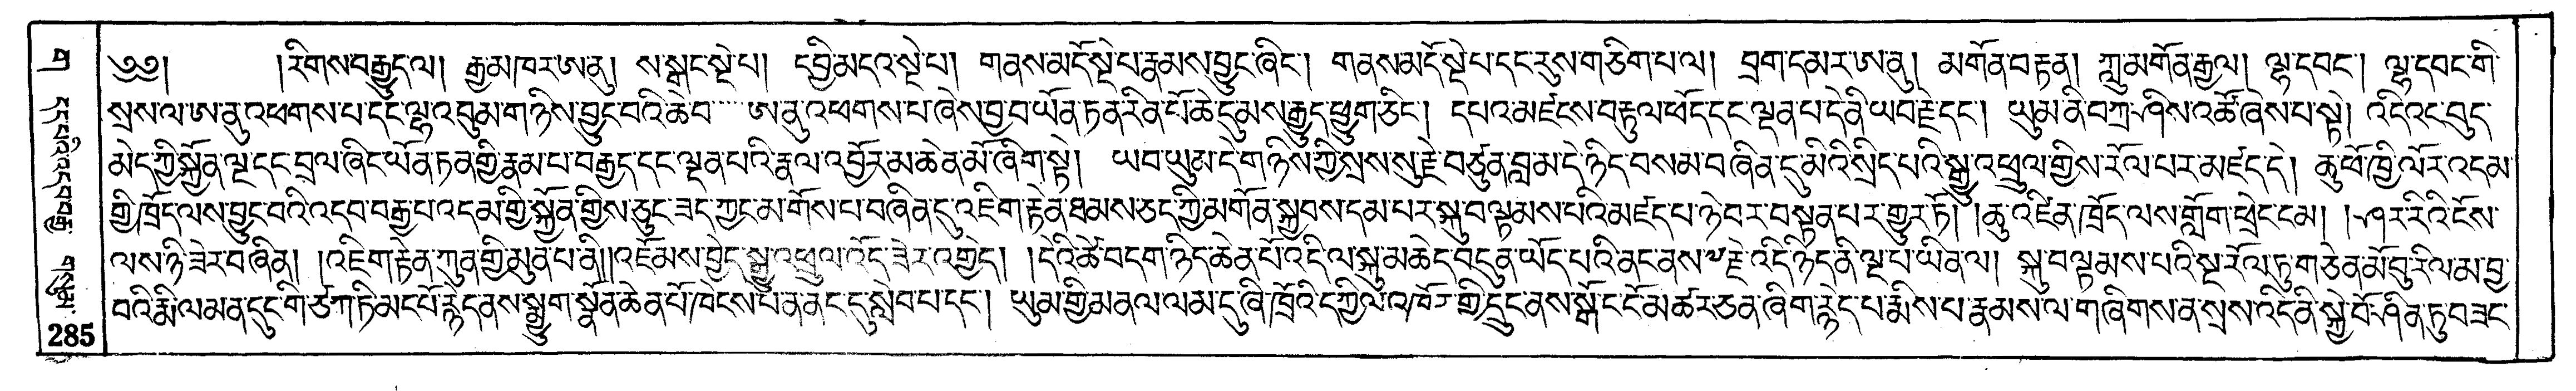༄༅། །རིགས་བརྒྱུད་ལ། རྒྱ་མཁར་ཨ་ནུ། ས་སྒང་སྡེ་བ། དབྱི་མདའ་སྡེ་བ། གནས་མདོ་སྡེ་པ་རྣམས་བྱུང་ཞིང་། གནས་མདོ་སྡེ་པ་དང་རུས་གཅིག་པ་ལ། བྲག་དམར་ཨ་ནུ། མགོན་བརྟན། ཀླུ་མགོན་རྒྱལ། ལྷ་དབང་། ལྷ་དབང་གི་
སྲས་ལ་ཨ་ནུ་འཕགས་པ་དང་ལྷ་འབུམ་གཉིས་བྱུང་བའི་ཆེ་བ་ཨ་ནུ་འཕགས་པ་ཞེས་བྱ་བ་ཡོན་ཏན་རིན་པོ་ཆེ་དུ་མས་རྒྱུད་ཕྱུག་ཅིང་། དཔའ་མཛངས་བརྟུལ་ཕོད་དང་ལྡན་པ་དེ་ནི་ཡབ་རྗེ་དང་། ཡུམ་ནི་བཀྲ་ཤིས་འཚོ་ཞེས་པ་སྟེ། འདིའང་བུད་
མེད་ཀྱི་སྐྱོན་ལྔ་དང་བྲལ་ཞིང་ཡོན་ཏན་གྱི་རྣམ་པ་བརྒྱད་དང་ལྡན་པའི་རྣལ་འབྱོར་མ་ཆེན་མོ་ཞིག་སྟེ། ཡབ་ཡུམ་དེ་གཉིས་ཀྱི་སྲས་སུ་རྗེ་བཙུན་བླ་མ་དེ་ཉིད་བསམ་བཞིན་དུ་མིའི་སྲིད་པའི་སྒྱུ་འཕྲུལ་གྱིས་རོལ་པར་མཛད་དེ། ཆུ་ཕོ་ཁྱི་ལོར་འདམ་
གྱི་ཁྲོད་ལས་བྱུང་བའི་འདབ་བརྒྱབ་འདམ་གྱི་སྐྱོན་གྱིས་ཅུང་ཟད་ཀྱང་མ་གོས་པ་བཞིན་དུ་འཇིག་རྟེན་ཐམས་ཅད་ཀྱི་མགོན་སྐྱབས་དམ་པར་སྐུ་བལྟམས་པའི་མཛད་པ་ཉེ་བར་བསྟན་པར་གྱུར་ཏོ། །ཆུ་འཛིན་ཁྲོད་ལས་གློག་ཕྲེང་ངམ། །ཤར་རིའི་ངོས་
ལས་ཉི་ཟེར་བཞིན། །འཇིག་རྟེན་ཀུན་གྱི་མུན་པ་ནི། །འཇོམས་བྱེད་སྒྱུ་འཕྲུལ་འོད་ཟེར་འགྱེད། །དེའི་ཚེ་བདག་ཉིད་ཆེན་པོ་འདི་ལ་སྐུ་མཆེད་བདུན་ཡོད་པའི་ནང་ནས་༧་རྗེ་འདི་ཉིད་ནི་ལྔ་པ་ཡིན་ལ། སྐུ་བལྟམས་པའི་སྔ་རོལ་ཏུ་གཅེན་མོ་བུ་རིལ་མ་བྱ་
བའི་རྨི་ལམ་ན་དུང་གི་ཙ་ཀ་ཏི་མང་པོ་རྙེད་ནས་སྨྱུག་སྣོད་ཆེན་པོ་ཁེངས་པན་ནང་དུ་སླེབ་པ་དང་། ཡུམ་གྱི་མནལ་ལམ་དུ་ཞི་ཁྲོའི་དཀྱིལ་འཁོར་གྱི་དྲུང་ནས་སྒོ་ང་ངོ་མཚར་ཅན་ཞིག་རྙེད་པ་རྨིས་པ་རྣམས་ལ་གཞིགས་ན་སྲས་འདི་ནི་སྐྱེ་བོ་ཤིན་ཏུ་བཟང་